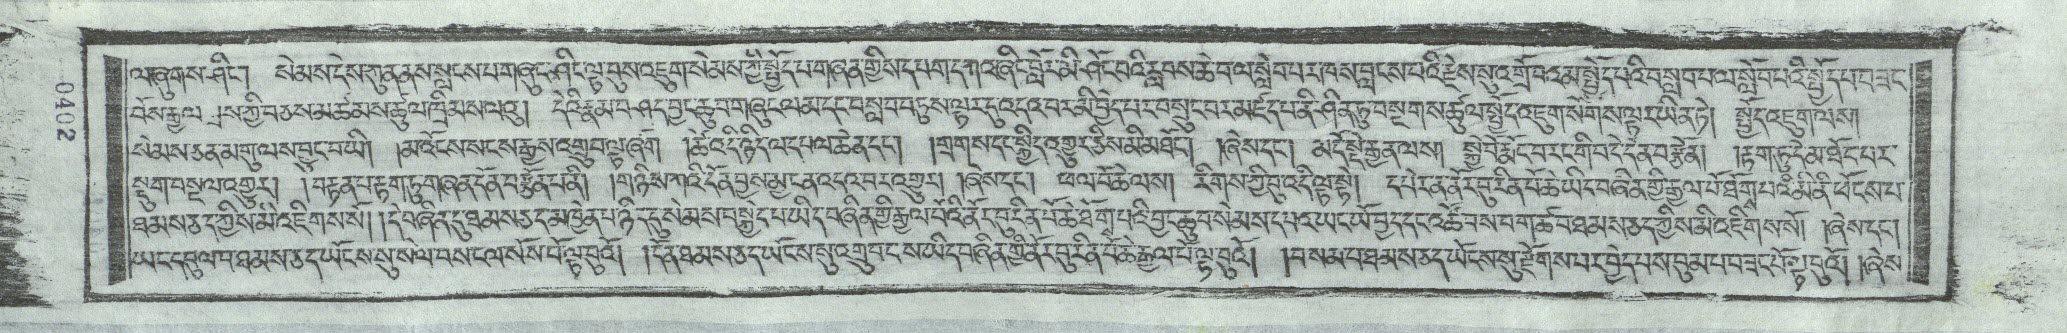ལ་ཞུགས་ཤིང་། སེམས་དེས་ཀུན་ནས་སླངས་པ་གཞུང་ཤིང་ལྟ་བུས་འཇུག་སེམས་ཀྱི་སྤྱོད་པ་གཞན་གྱིས་དཔག་དཀའ་ཞིང་བློར་མི་ཤིང་བའི་རླབས་ཆེ་བ་ལ་སླེབ་པར་ཁས་བླངས་པའི་རྗེས་སུ་འགྲོ་བའམ་སྤྱོད་པའི་བསླབ་པ་ལ་སློབ་པའི་སྤྱོད་པ་བཟང་
པོས་རྒྱལ་སྲས་ཀྱི་བཅས་མཚམས་ཚུལ་ཁྲིམས་ལའུ། དེའི་རྣམ་བཤད་བྱང་ཆུབ་གཞུང་ལམ་དང་བསླབ་བཏུས་ལྟར་དུ་འདའ་བར་མི་བྱེད་པར་བསྲུང་བར་མཛད་པ་ནི་ཤིན་ཏུ་བསྔགས་ཚུལ་སྤྱོད་འཇུག་སོགས་ལྟར་ཡིན་ཏེ། སྤྱོད་འཇུག་ལས།
སེམས་ཅན་མགུ་ལས་བྱུང་བ་ཡི། །མ་འོངས་སངས་རྒྱས་འགྲུབ་ལྟ་ཞོག །ཚེ་འདི་ཉིད་ལ་དཔལ་ཆེན་དང་། །གྲགས་དང་སྐྱིད་འགྱུར་ཅིས་མི་མཐོང་། །ཞེས་དང་། མདོ་སྡེ་རྒྱན་ལས། སྐྱེ་བོ་རྨོང་བ་རང་གི་བདེ་དེན་བརྩོན། །རྟག་ཏུ་དེ་མ་ཐོབ་བར་
སྡུག་བསྔལ་འགྱུར། །བརྟན་པ་རྟག་ཏུ་གཞན་དོན་བརྩོན་པ་ནི། །གཉིས་ཀའི་དོན་བྱས་མྱ་ངན་འདའ་བར་འགྱུར། །ཞེས་དང་། ཕལ་པོ་ཆེ་ལས། རིགས་ཀྱི་བུ་འདི་ལྟ་སྟེ། དཔེར་ན་ནོར་བུ་རིན་པོ་ཆེ་ཡིས་བཞིན་གྱི་རྒྱལ་པོ་ཐོགས་པའི་མིན་ཕོངས་པ་
ཐམས་ཅད་ཀྱིས་མི་འཇིགས་སོ། །དེ་བཞིན་དུ་ཐམས་ཅད་མཁྱེན་པ་ཉིད་དུ་སེམས་བསྐྱེད་པ་ཡིད་བཞིན་གྱི་རྒྱལ་པོའི་ནོར་བུ་རིན་པོ་ཆེ་ཐོགས་པའི་བྱང་ཆུབ་སེམས་དཔའ་ཡང་ཡོ་བྱད་དང་འཚོ་བས་བག་ཚ་བ་ཐམས་ཅད་ཀྱིས་མི་འཇིགས་སོ། །ཞེས་དང་།
ཡང་དབུལ་བ་ཐམས་ཅད་ཡོངས་སུ་སེལ་བས་ངལ་སོས་པོ་ལྟ་བུའོ། །དོན་ཐམས་ཅད་ཡོངས་སུ་འགྲུབ་པས་ཡིད་བཞིན་གྱི་ནོར་བུ་རིན་པོ་ཆེ་རྒྱལ་པོ་ལྟ་བུའོ། །བསམ་པ་ཐམས་ཅད་ཡོངས་སུ་རྫོགས་པར་བྱེད་པས་བུམ་པ་བཟང་པོ་ལྟ་བུའོ། །ཞེས་